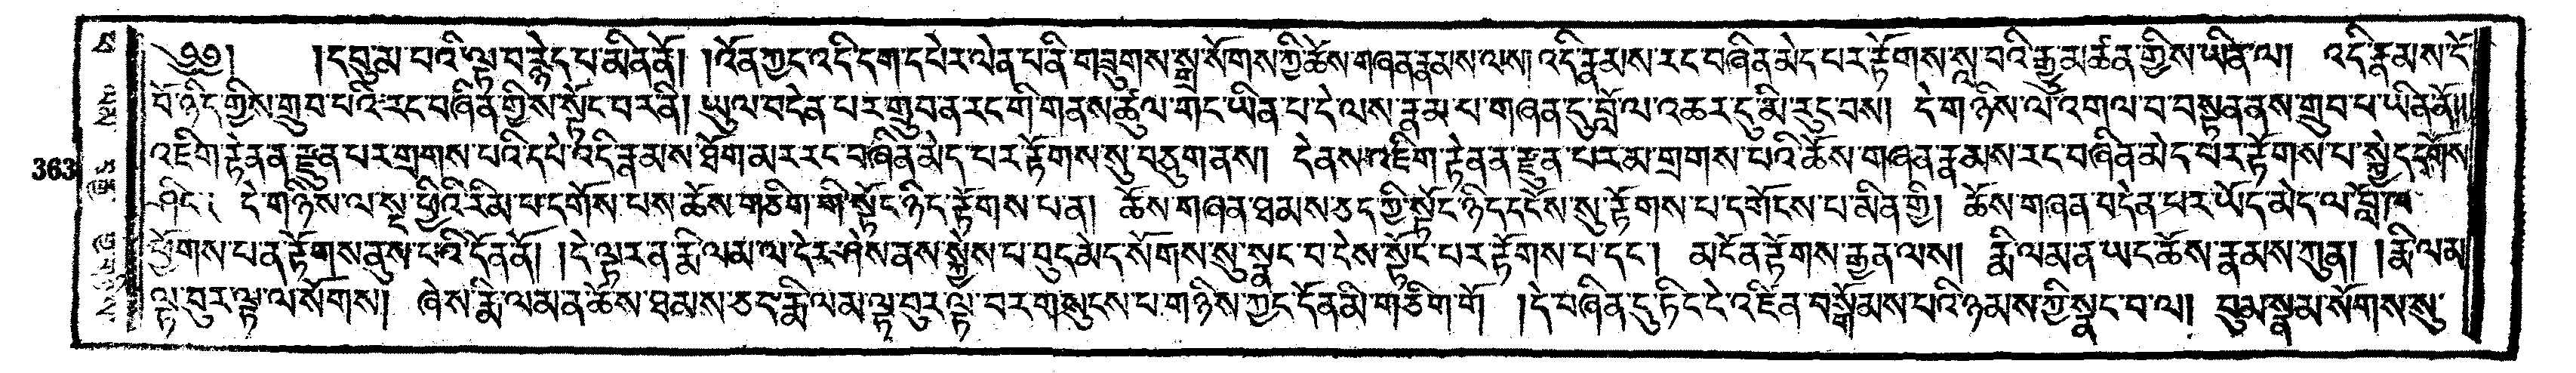༄༅། །དབུ་མ་པའི་ལྟ་བ་རྙེད་པ་མིན་ནོ། །འོན་ཀྱང་འདི་དག་དཔེར་ལེན་པ་ནི་གཟུགས་སྒྲ་སོགས་ཀྱི་ཆོས་གཞན་རྣམས་ལས། འདི་རྣམས་རང་བཞིན་མེད་པར་རྟོགས་སླ་བའི་རྒྱུ་མཚན་གྱིས་ཡིན་ལ། འདི་རྣམས་དོ་
བོ་ཉིད་གྱིས་གྲུབ་པའི་རང་བཞིན་གྱིས་སྟོང་བར་ནི། ཡུལ་བདེན་པར་གྲུབ་ན་རང་གི་གནས་ཚུལ་གང་ཡིན་པ་དེ་ལས་རྣམ་པ་གཞན་དུ་བློ་ལ་འཆར་དུ་མི་རུང་བས། དེ་གཉིས་ལ་འགལ་བ་བསྟན་ནས་གྲུབ་པ་ཡིན་ནོ།།
འཇིག་རྟེན་རྫུན་པར་གྲགས་པའི་དཔེ་འདི་རྣམས་ཐོག་མར་རང་བཞིན་མེད་པར་རྟོགས་སུ་བཅུག་ནས། དེ་ནས་འཇིག་རྟེན་ན་རྫུན་པར་མ་གྲགས་པའི་ཆོས་གཞན་རྣམས་རང་བཞིན་མེད་པར་རྟོགས་པ་སྐྱེད་དགོས་
ཤིང༑ དེ་གཉིས་ལ་སྔ་ཕྱིའི་རིམ་པ་དགོས་པས་ཆོས་གཅིག་གི་སྟོང་ཉིད་རྟོགས་པ་ན། ཆོས་གཞན་ཐམས་ཅད་ཀྱི་སྟོང་ཉིད་དངོས་སུ་རྟོགས་པ་མིན་གྱི། ཆོས་གཞན་བདེན་པར་ཡོད་མེད་ལ་བློ་ཁ་
ཕྱོགས་པ་ན་རྟོགས་ནུས་པའི་དོན་ནོ། །དེ་ལྟར་ན་རྨི་ལམ་ལ་དེར་ཤེས་ནས་སྐྱེས་པ་བུད་མེད་སོགས་སུ་སྣང་བ་ངེས་སྟོང་བར་རྟོགས་པ་དང་། མངོན་རྟོགས་རྒྱན་ལས། རྨི་ལམ་ན་ཡང་ཆོས་རྣམས་ཀུན། །རྨི་ལམ་
ལྟ་བུར་ལྟ་ལ་སོགས། ཞེས་རྨི་ལམ་ན་ཆོས་ཐམས་ཅད་རྨི་ལམ་ལྟ་བུར་ལྟ་བར་གསུངས་པ་གཉིས་ཀྱང་དོན་མི་གཅིག་གོ །དེ་བཞིན་དུ་ཏིང་ངེ་འཛིན་བསྒོམས་པའི་ཉམས་ཀྱི་སྣང་བ་ལ། བུམ་སྣམ་སོགས་སུ་